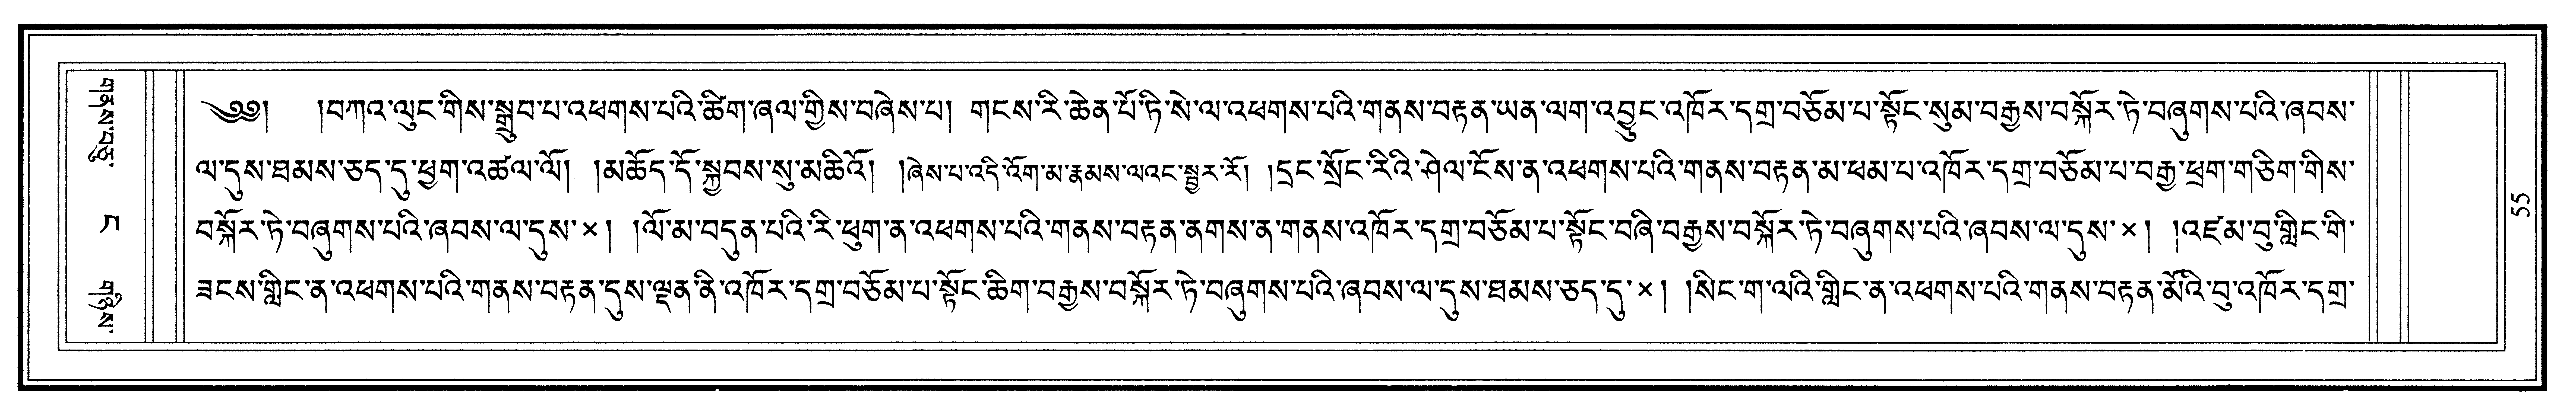༄༅། །བཀའ་ལུང་གིས་སྒྲུབ་པ་འཕགས་པའི་ཚིག་ཞལ་གྱིས་བཞེས་པ། གངས་རི་ཆེན་པོ་ཏི་སེ་ལ་འཕགས་པའི་གནས་བརྟན་ཡན་ལག་འབྱུང་འཁོར་དགྲ་བཅོམ་པ་སྟོང་སུམ་བརྒྱས་བསྐོར་ཏེ་བཞུགས་པའི་ཞབས་
ལ་དུས་ཐམས་ཅད་དུ་ཕྱག་འཚལ་ལོ། །མཆོད་དོ་སྐྱབས་སུ་མཆིའོ། །ཞེས་པ་འདི་འོག་མ་རྣམས་ལའང་སྦྱར་རོ། །དྲང་སྲོང་རིའི་ཤེལ་ངོས་ན་འཕགས་པའི་གནས་བརྟན་མ་ཕམ་པ་འཁོར་དགྲ་བཅོམ་པ་བརྒྱ་ཕྲག་གཅིག་གིས་
བསྐོར་ཏེ་བཞུགས་པའི་ཞབས་ལ་དུས་྾། །ལོ་མ་བདུན་པའི་རི་ཕུག་ན་འཕགས་པའི་གནས་བརྟན་ནགས་ན་གནས་འཁོར་དགྲ་བཅོམ་པ་སྟོང་བཞི་བརྒྱས་བསྐོར་ཏེ་བཞུགས་པའི་ཞབས་ལ་དུས་྾། །འཛམ་བུ་གླིང་གི་
ཟངས་གླིང་ན་འཕགས་པའི་གནས་བརྟན་དུས་ལྡན་ནི་འཁོར་དགྲ་བཅོམ་པ་སྟོང་ཆིག་བརྒྱས་བསྐོར་ཏེ་བཞུགས་པའི་ཞབས་ལ་དུས་ཐམས་ཅད་དུ་྾། །སིང་ག་ལའི་གླིང་ན་འཕགས་པའི་གནས་བརྟན་མོའི་བུ་འཁོར་དགྲ་